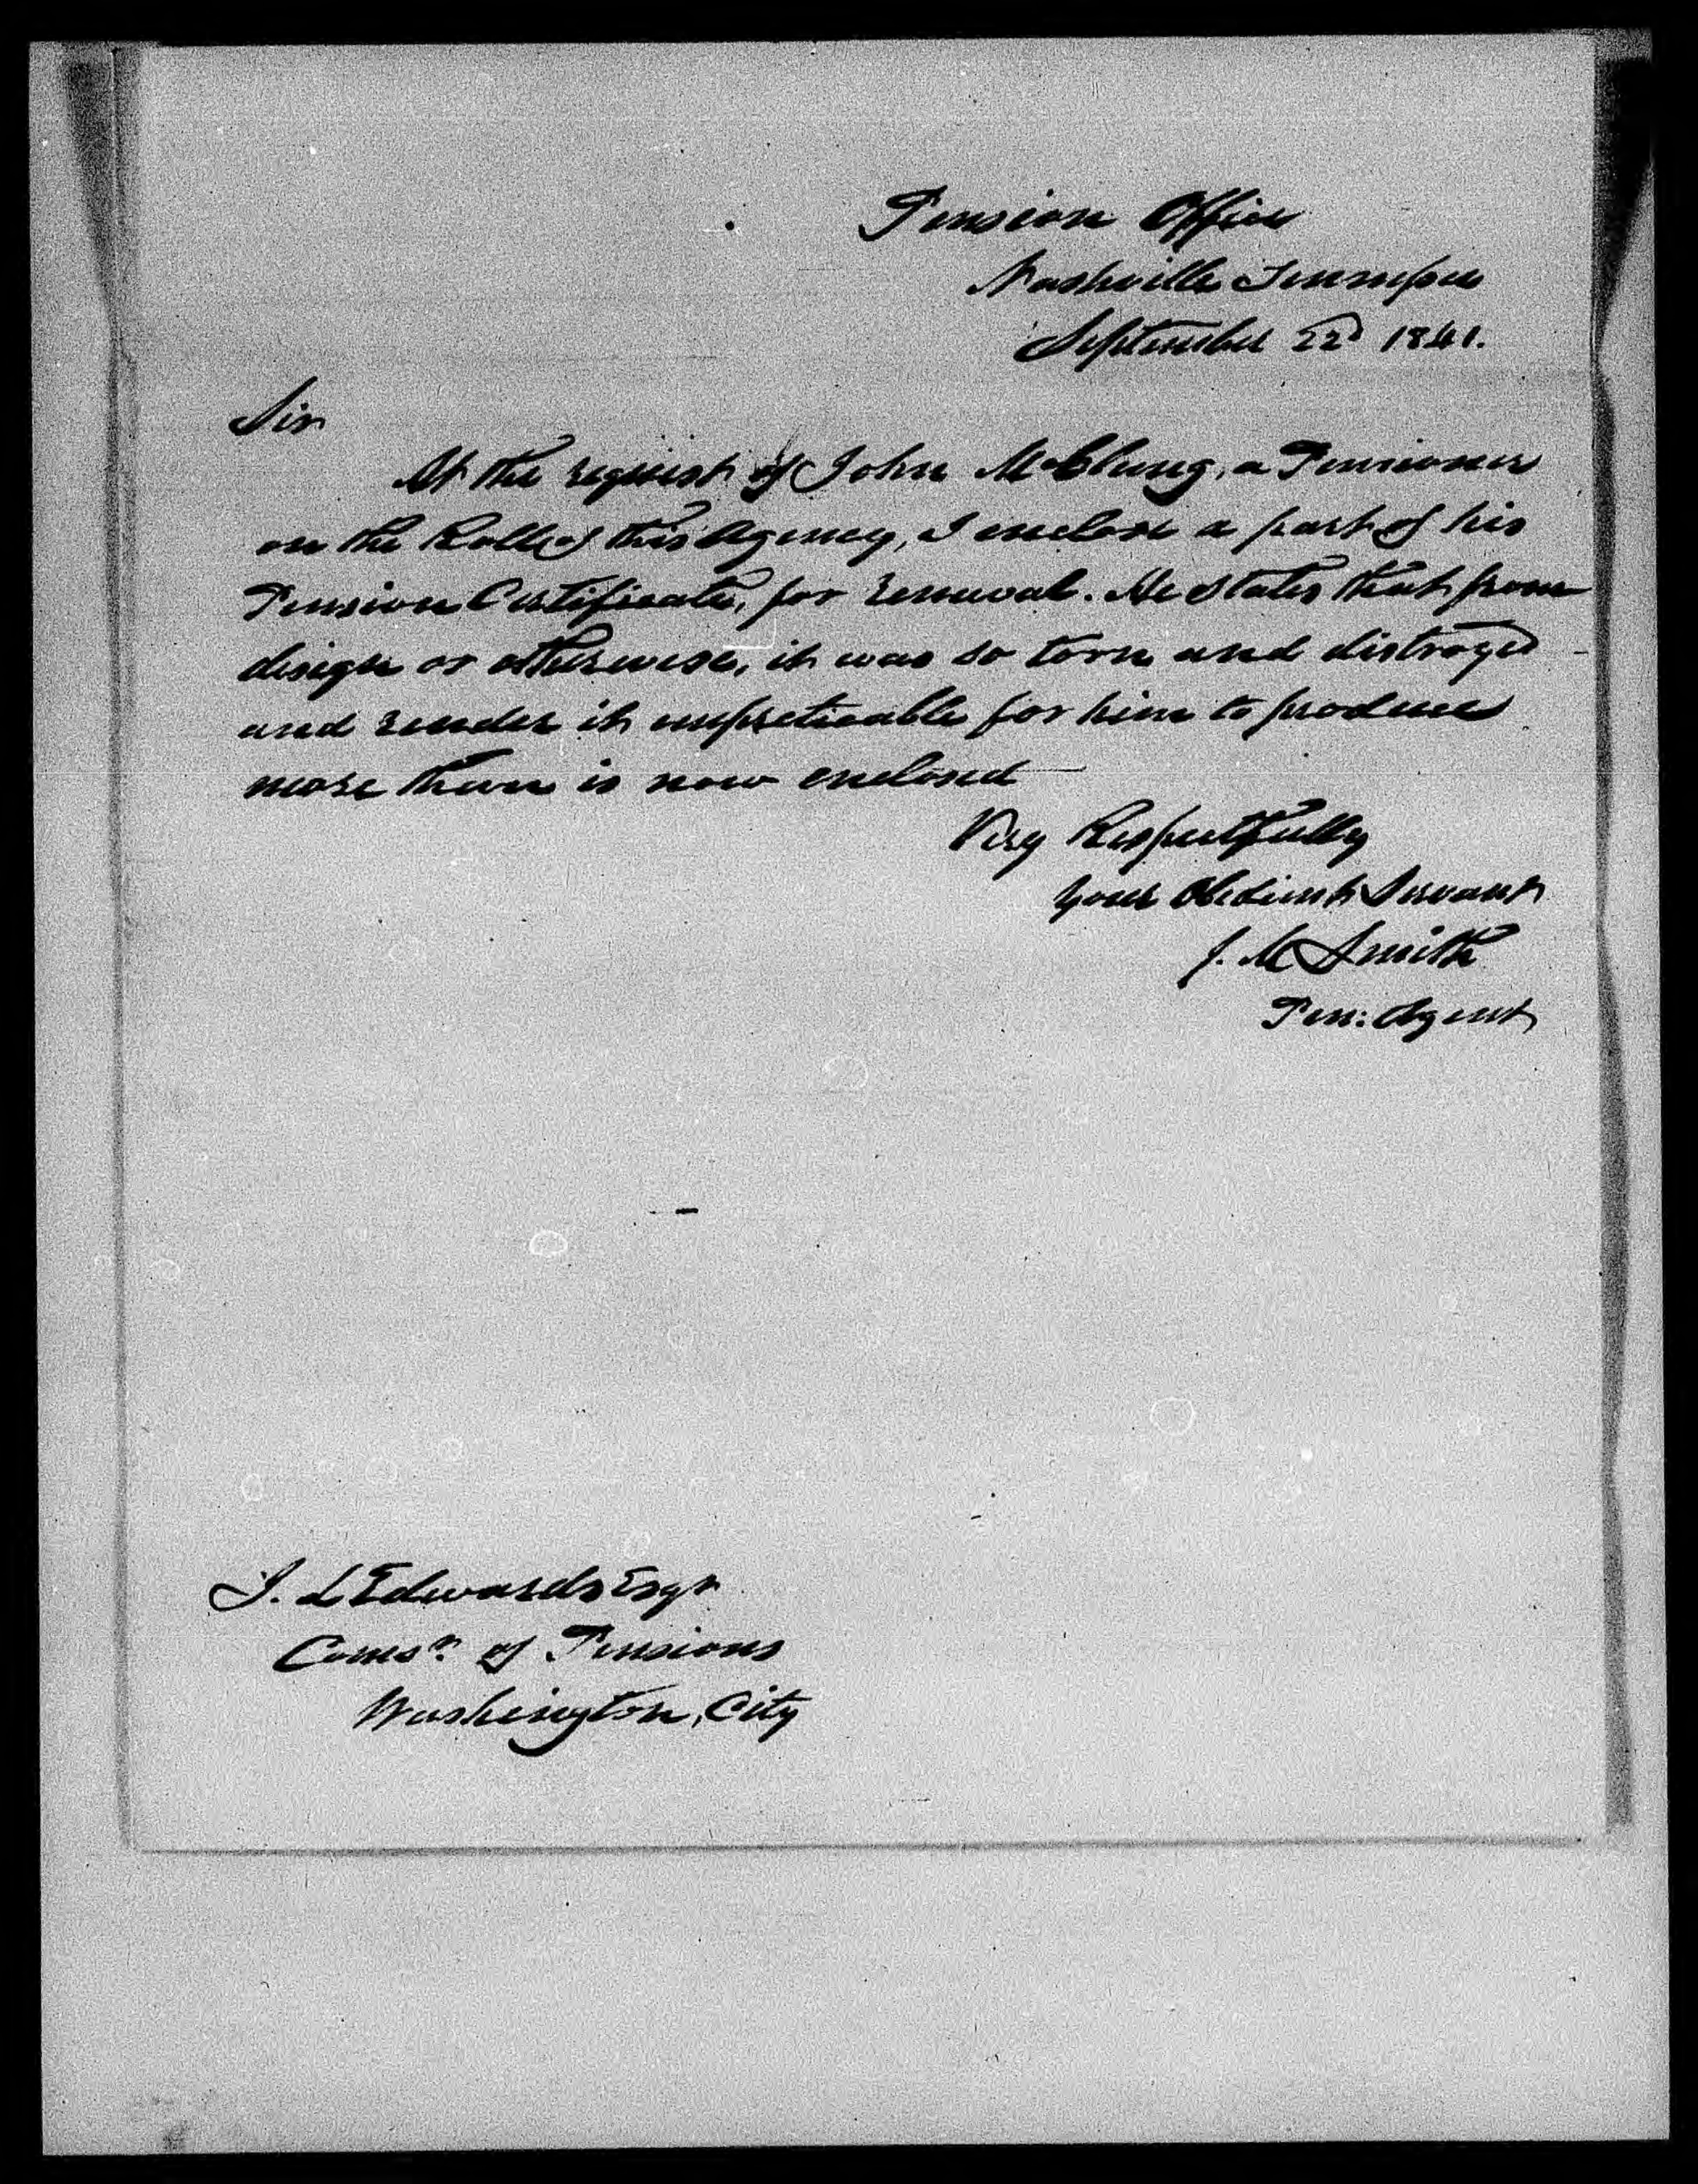Pension Office
Nashville Tennessee
September 22 1841.

Sir,
At the request of John McClung a Pensioner on the Roll of this Agency, I enclose a part of his
Pension Certificate for removal. He states that from design or otherwise, it was so torn and destroyed and render it impracticable for him to produce more than is now enclosed

Very Respectfully
Your obedient Servant
J. Smith 
Pen Agent

J.L. Edwards Esqr
Coms of Pensions
Washington City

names: J M Smith; J L Edwards; John Mc Clung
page: 91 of 115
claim: widow's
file: W. 1446, for John Mc Clung, South Carolina